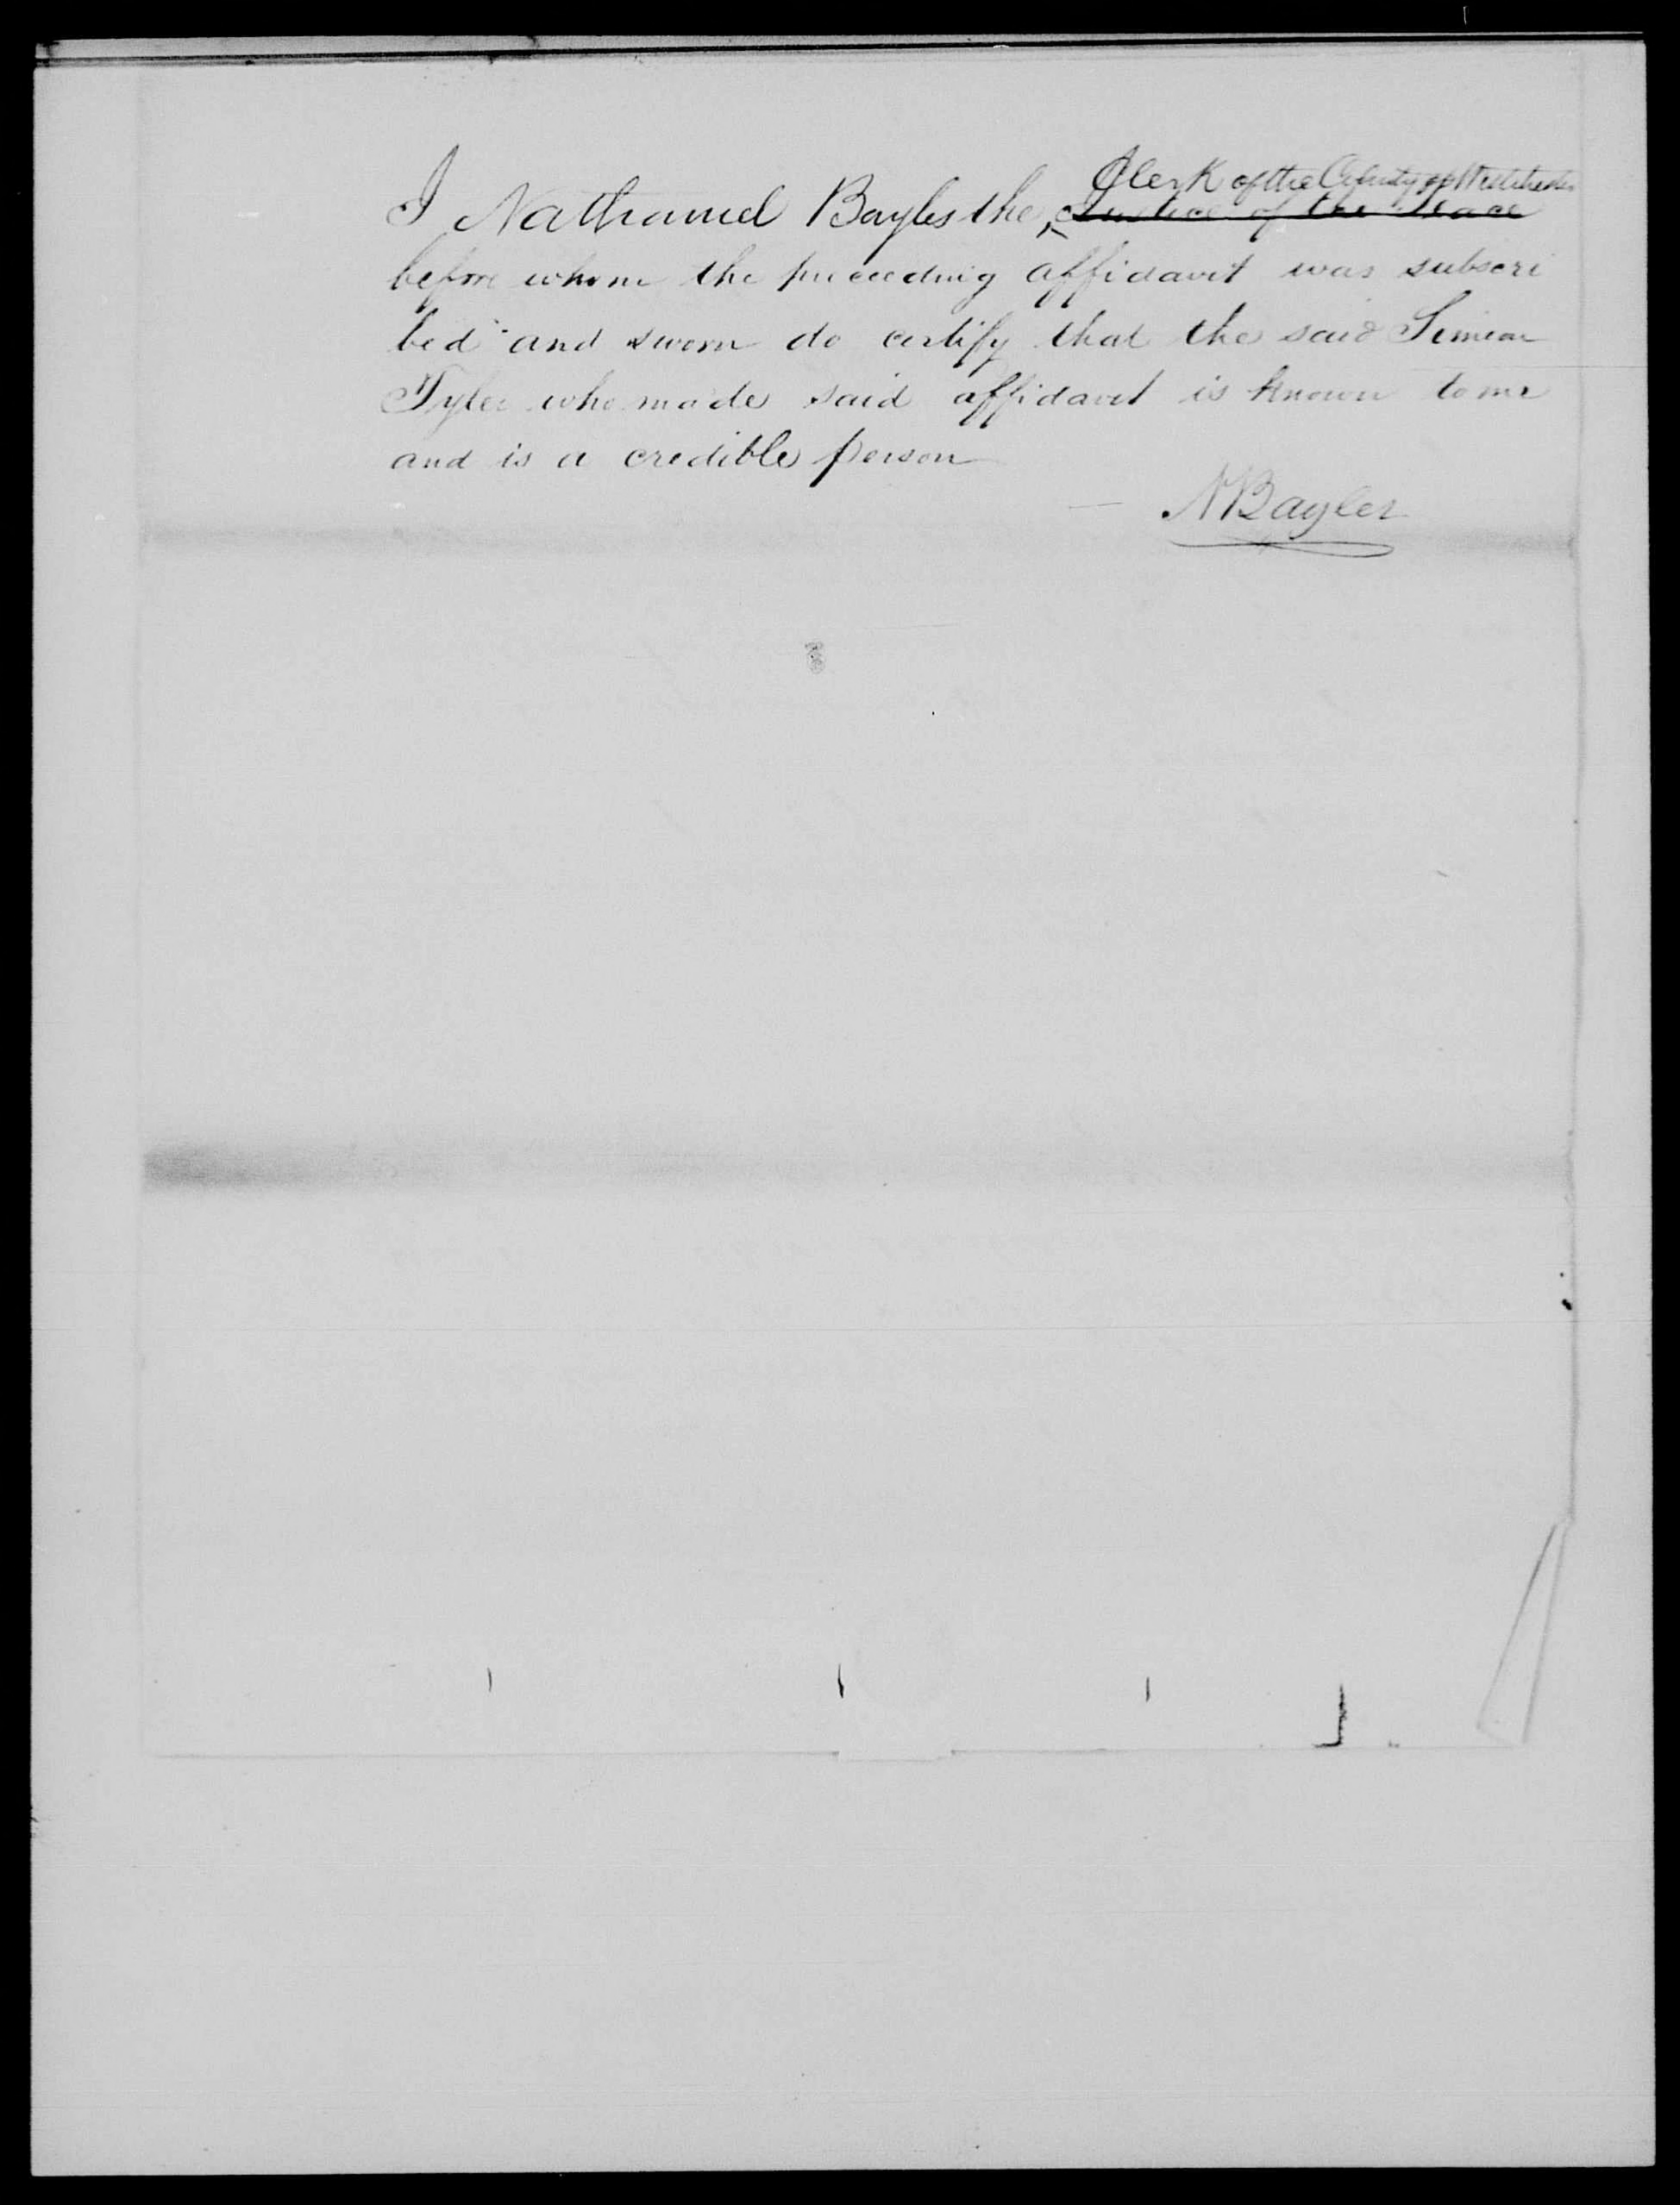I Nathaniel Bayles the ^Clerk of the County of Westchester before whom the preceeding affidavit was subscribed and sworn do certify that the said Simeon Tyler who made said affidavit is known to me and is a credible person 
[Signed] N Bayles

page: 19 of 33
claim: rejected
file: R. 7,063, for Elisha B Maynard, New York